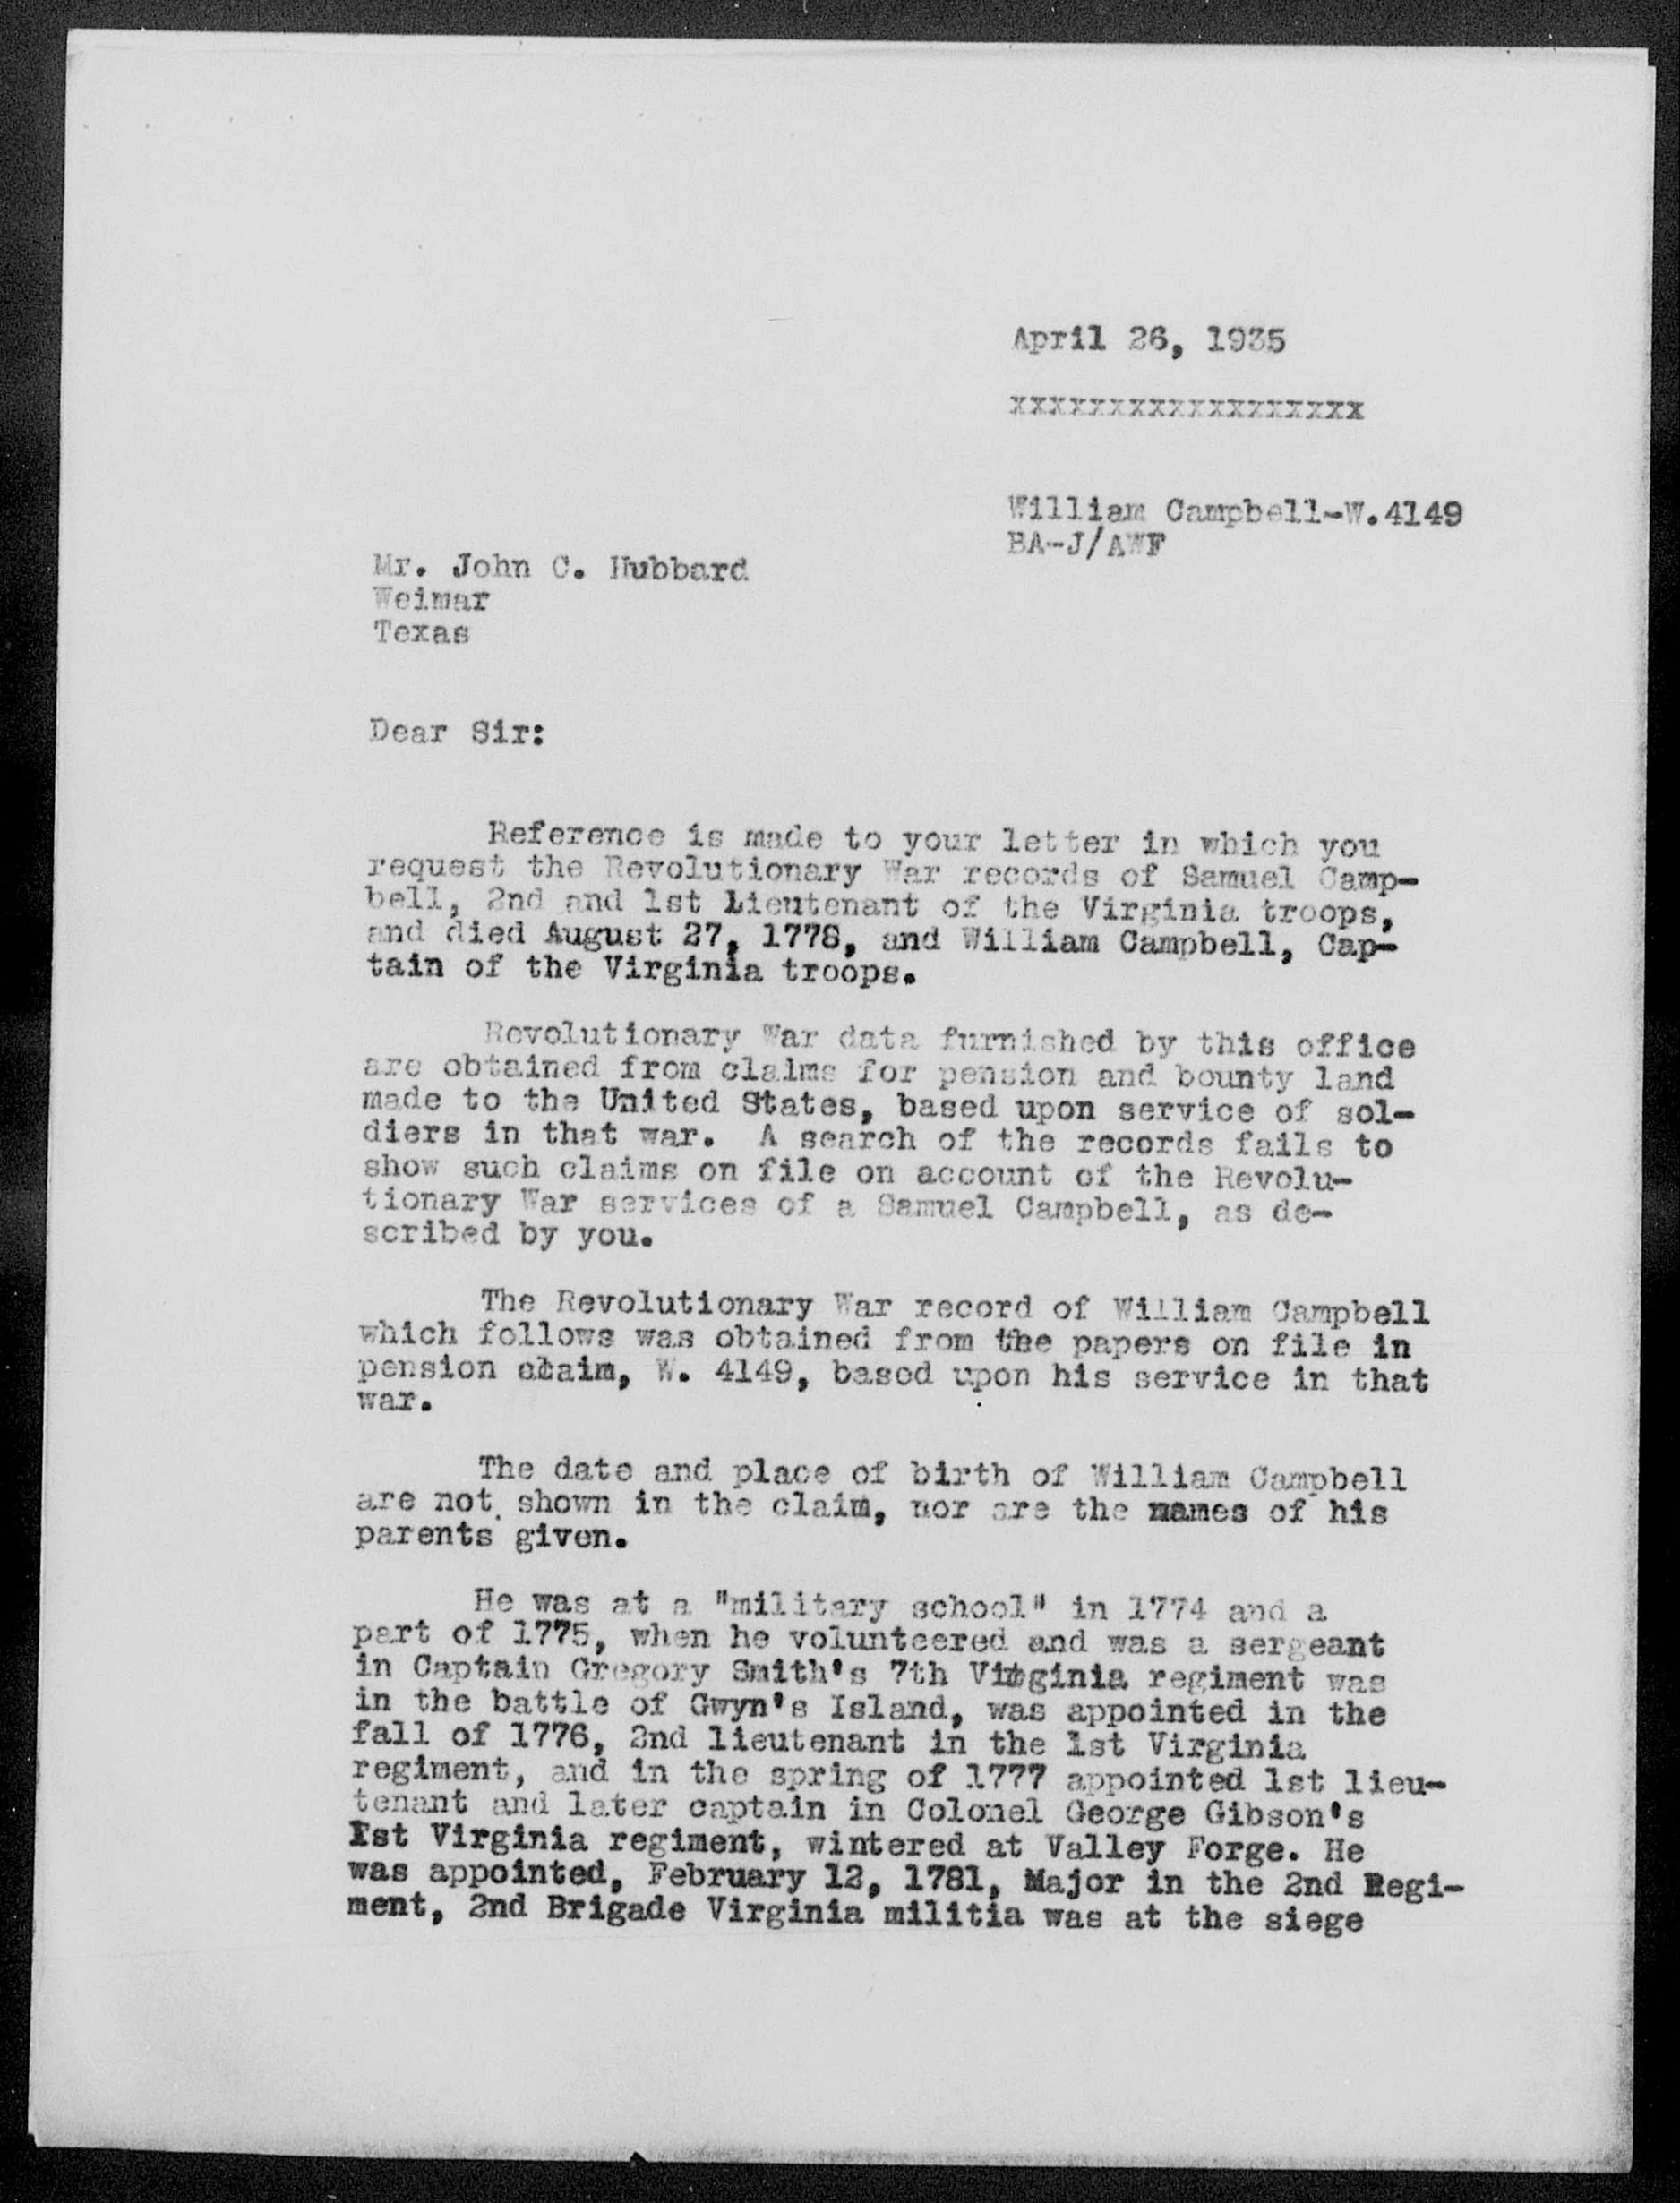April 26, 1935
XXXXXXXXXXXXXXXX
William Campbell-W.4149
BA-J/AWF

Mr. John C. Hubbard
Weimar
Texas
Dear Sir:

Reference is made to your letter in which you request the Revolutionary War records of Samuel Campbell , 2nd and 1st Lieutenant of the Virginia troops, and died August 27, 1778, and William Campbell, Captain of the Virginia troops.
Revolutionary War data furnished by this office are obtained from claims for pension and bounty land made to the United States, based upon service of soldiers in that war. A search of the records fails to show such claims on file on account of the Revolutionary War services of a Samuel Campbell, as described by you.
The Revolutionary War record of William Campbell which follows was obtained from the papers on file in pension claim, W. 4149, based upon his service in that war.
The date and place of birth of William Campbell are not shown in the claim, nor are the names of his parents given.
He was at a "military school" in 1774 and a part of 1775, when he volunteered and was a sergeant in Captain Gregory Smith's 7th Virginia regiment was in the battle of Gwyn's Island, was appointed in the fall of 1776, and lieutenant in the 1st Virginia regiment, and in the spring of 1777 appointed 1st lieutenant and later captain in Colonel George Gibson's 1st Virginia regiment, wintered at Valley Forge. He was appointed, February 12, 1781, Major in the 2nd Regiment, 2nd Brigade Virginia militia was at the siege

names: William Campbell, William Campbell, William Campbell, Samuel Campbell, John C Hubbard, William Campbell, Samuel Campbell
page: 265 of 267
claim: widow's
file: W. 4,149, William Campbell, Va.